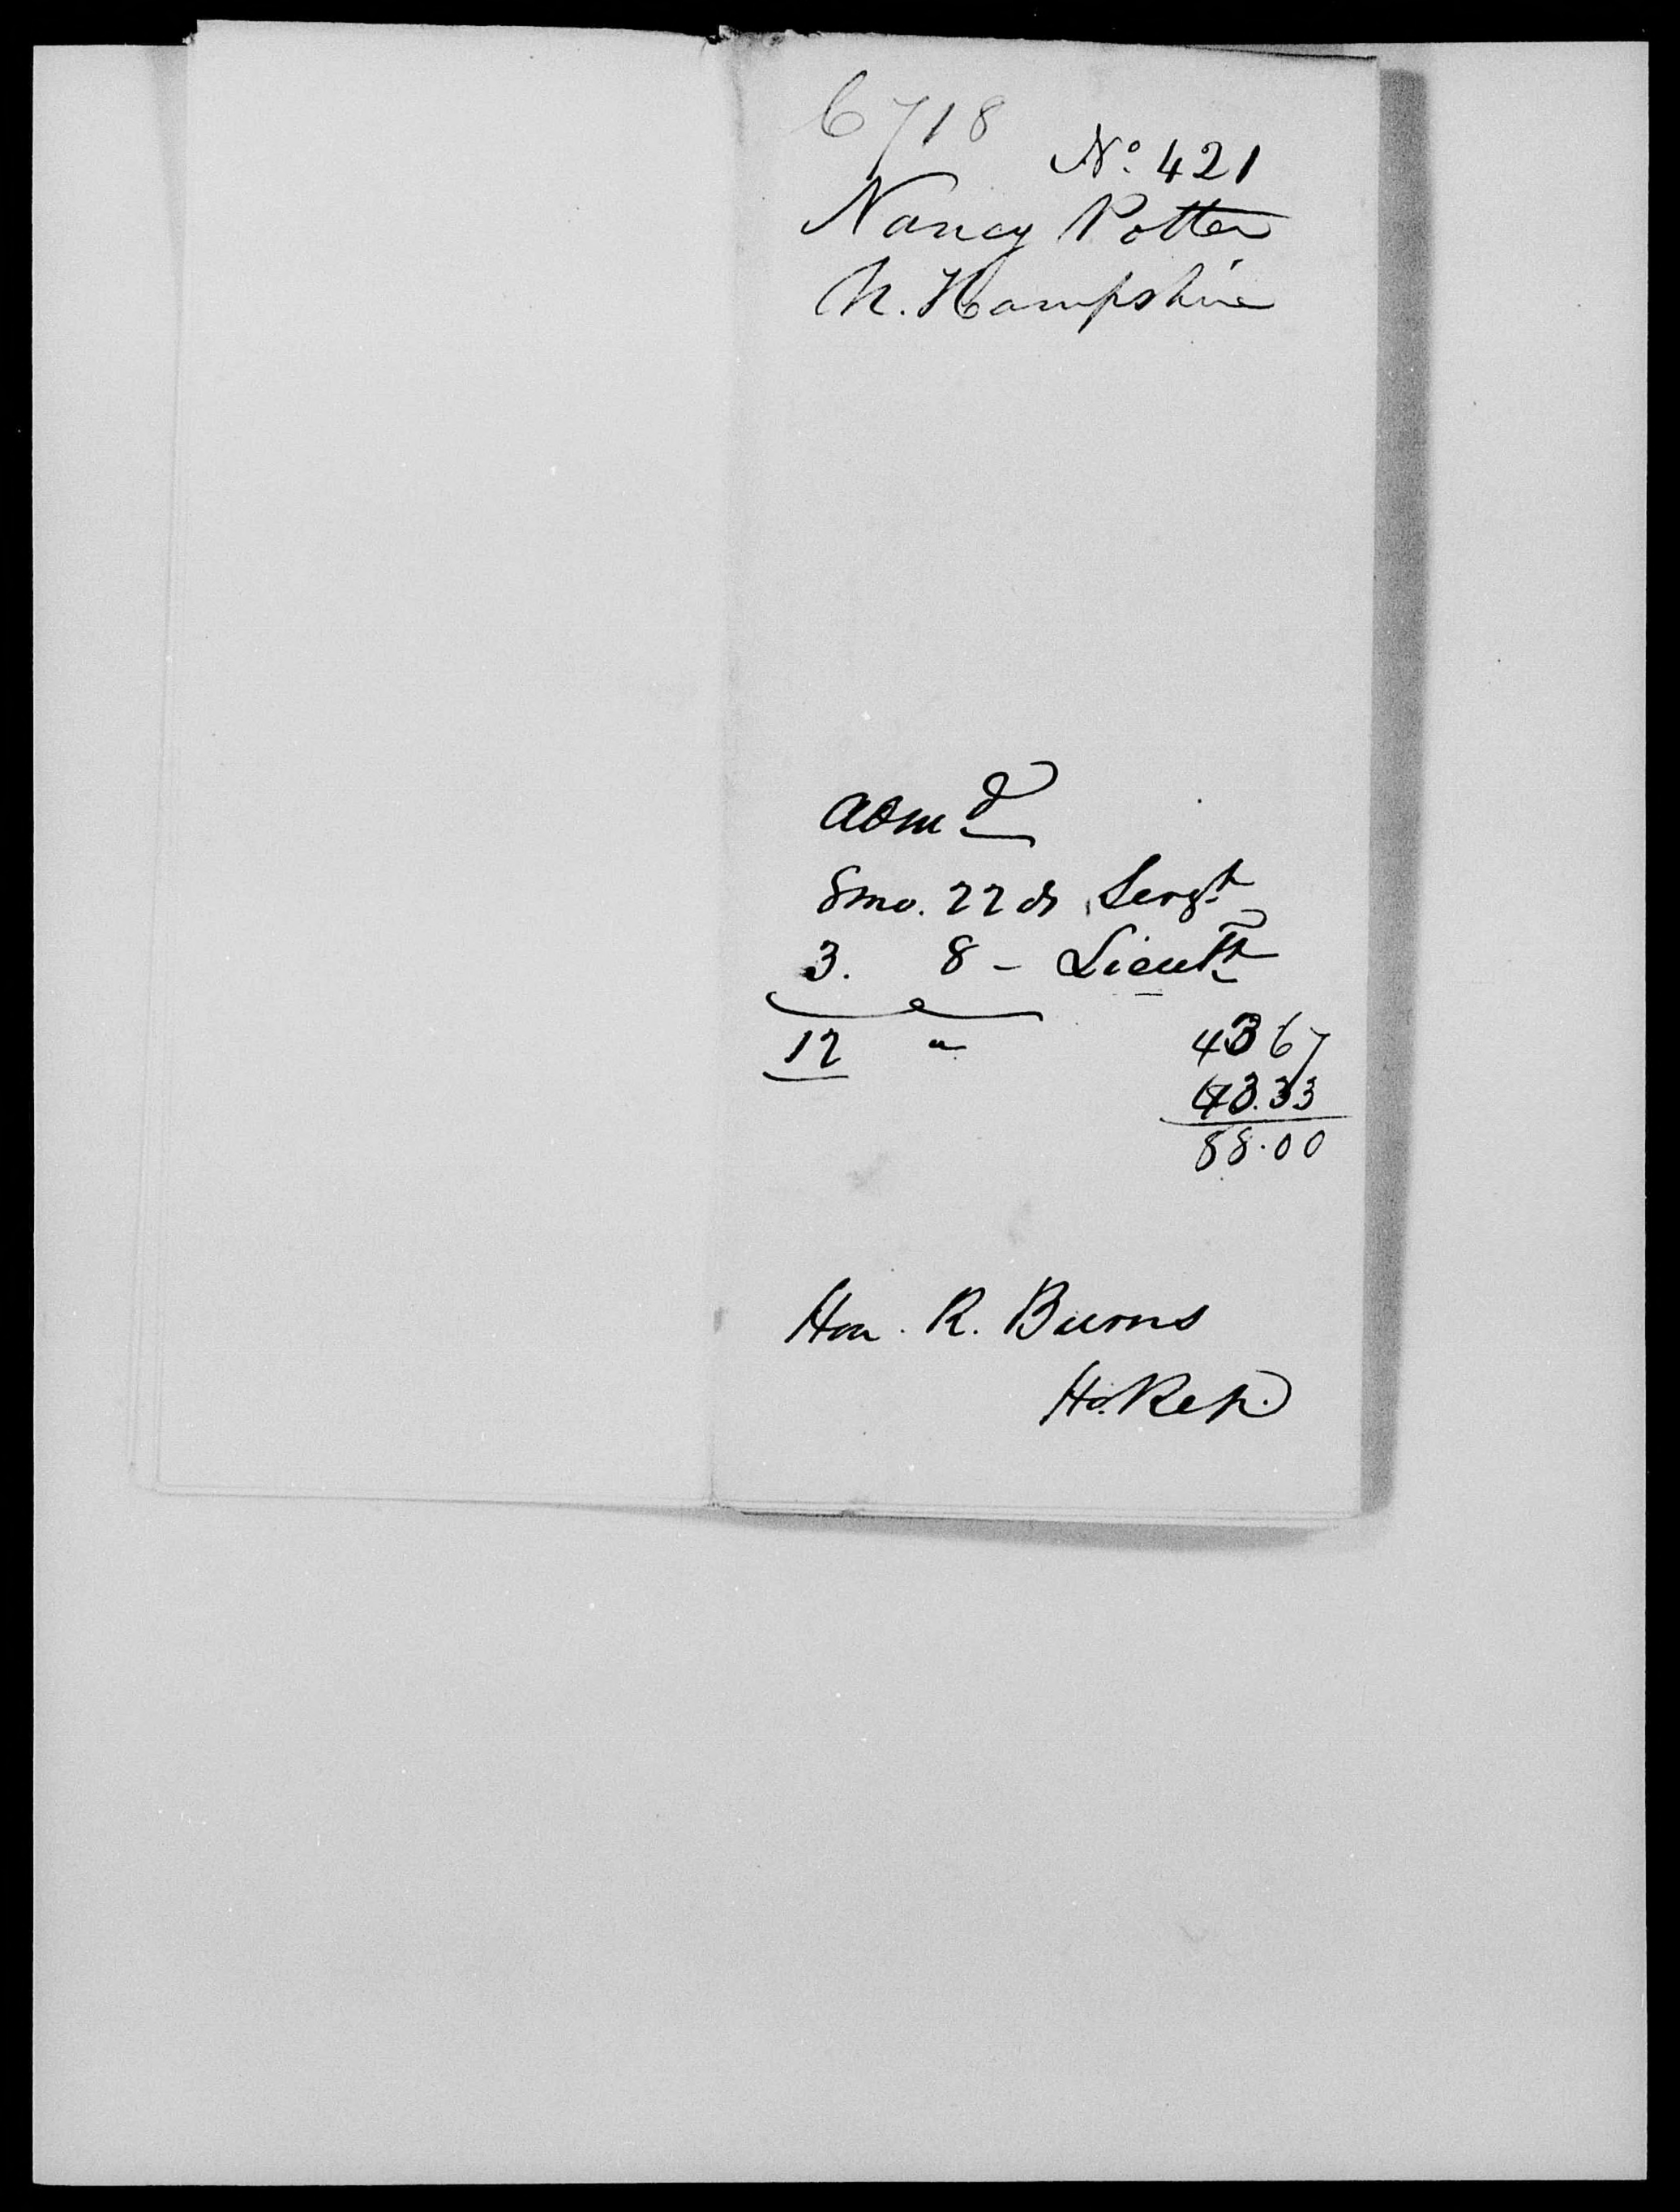6718    No. 421
Nancy Potter
N. Hampshire

[illegible]
8 mo 22 days, Sergt [Sergeant]
3 mo 8 days Lieutn [Lieutenant]
-----------
12 mo      43.67
                40.33
              __________
                88.00
How. R. Burns
   Ho.Rep.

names: R Burns; Nancy Potter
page: 3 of 40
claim: widow's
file: W. 16058, for George Potter, Rhode Island